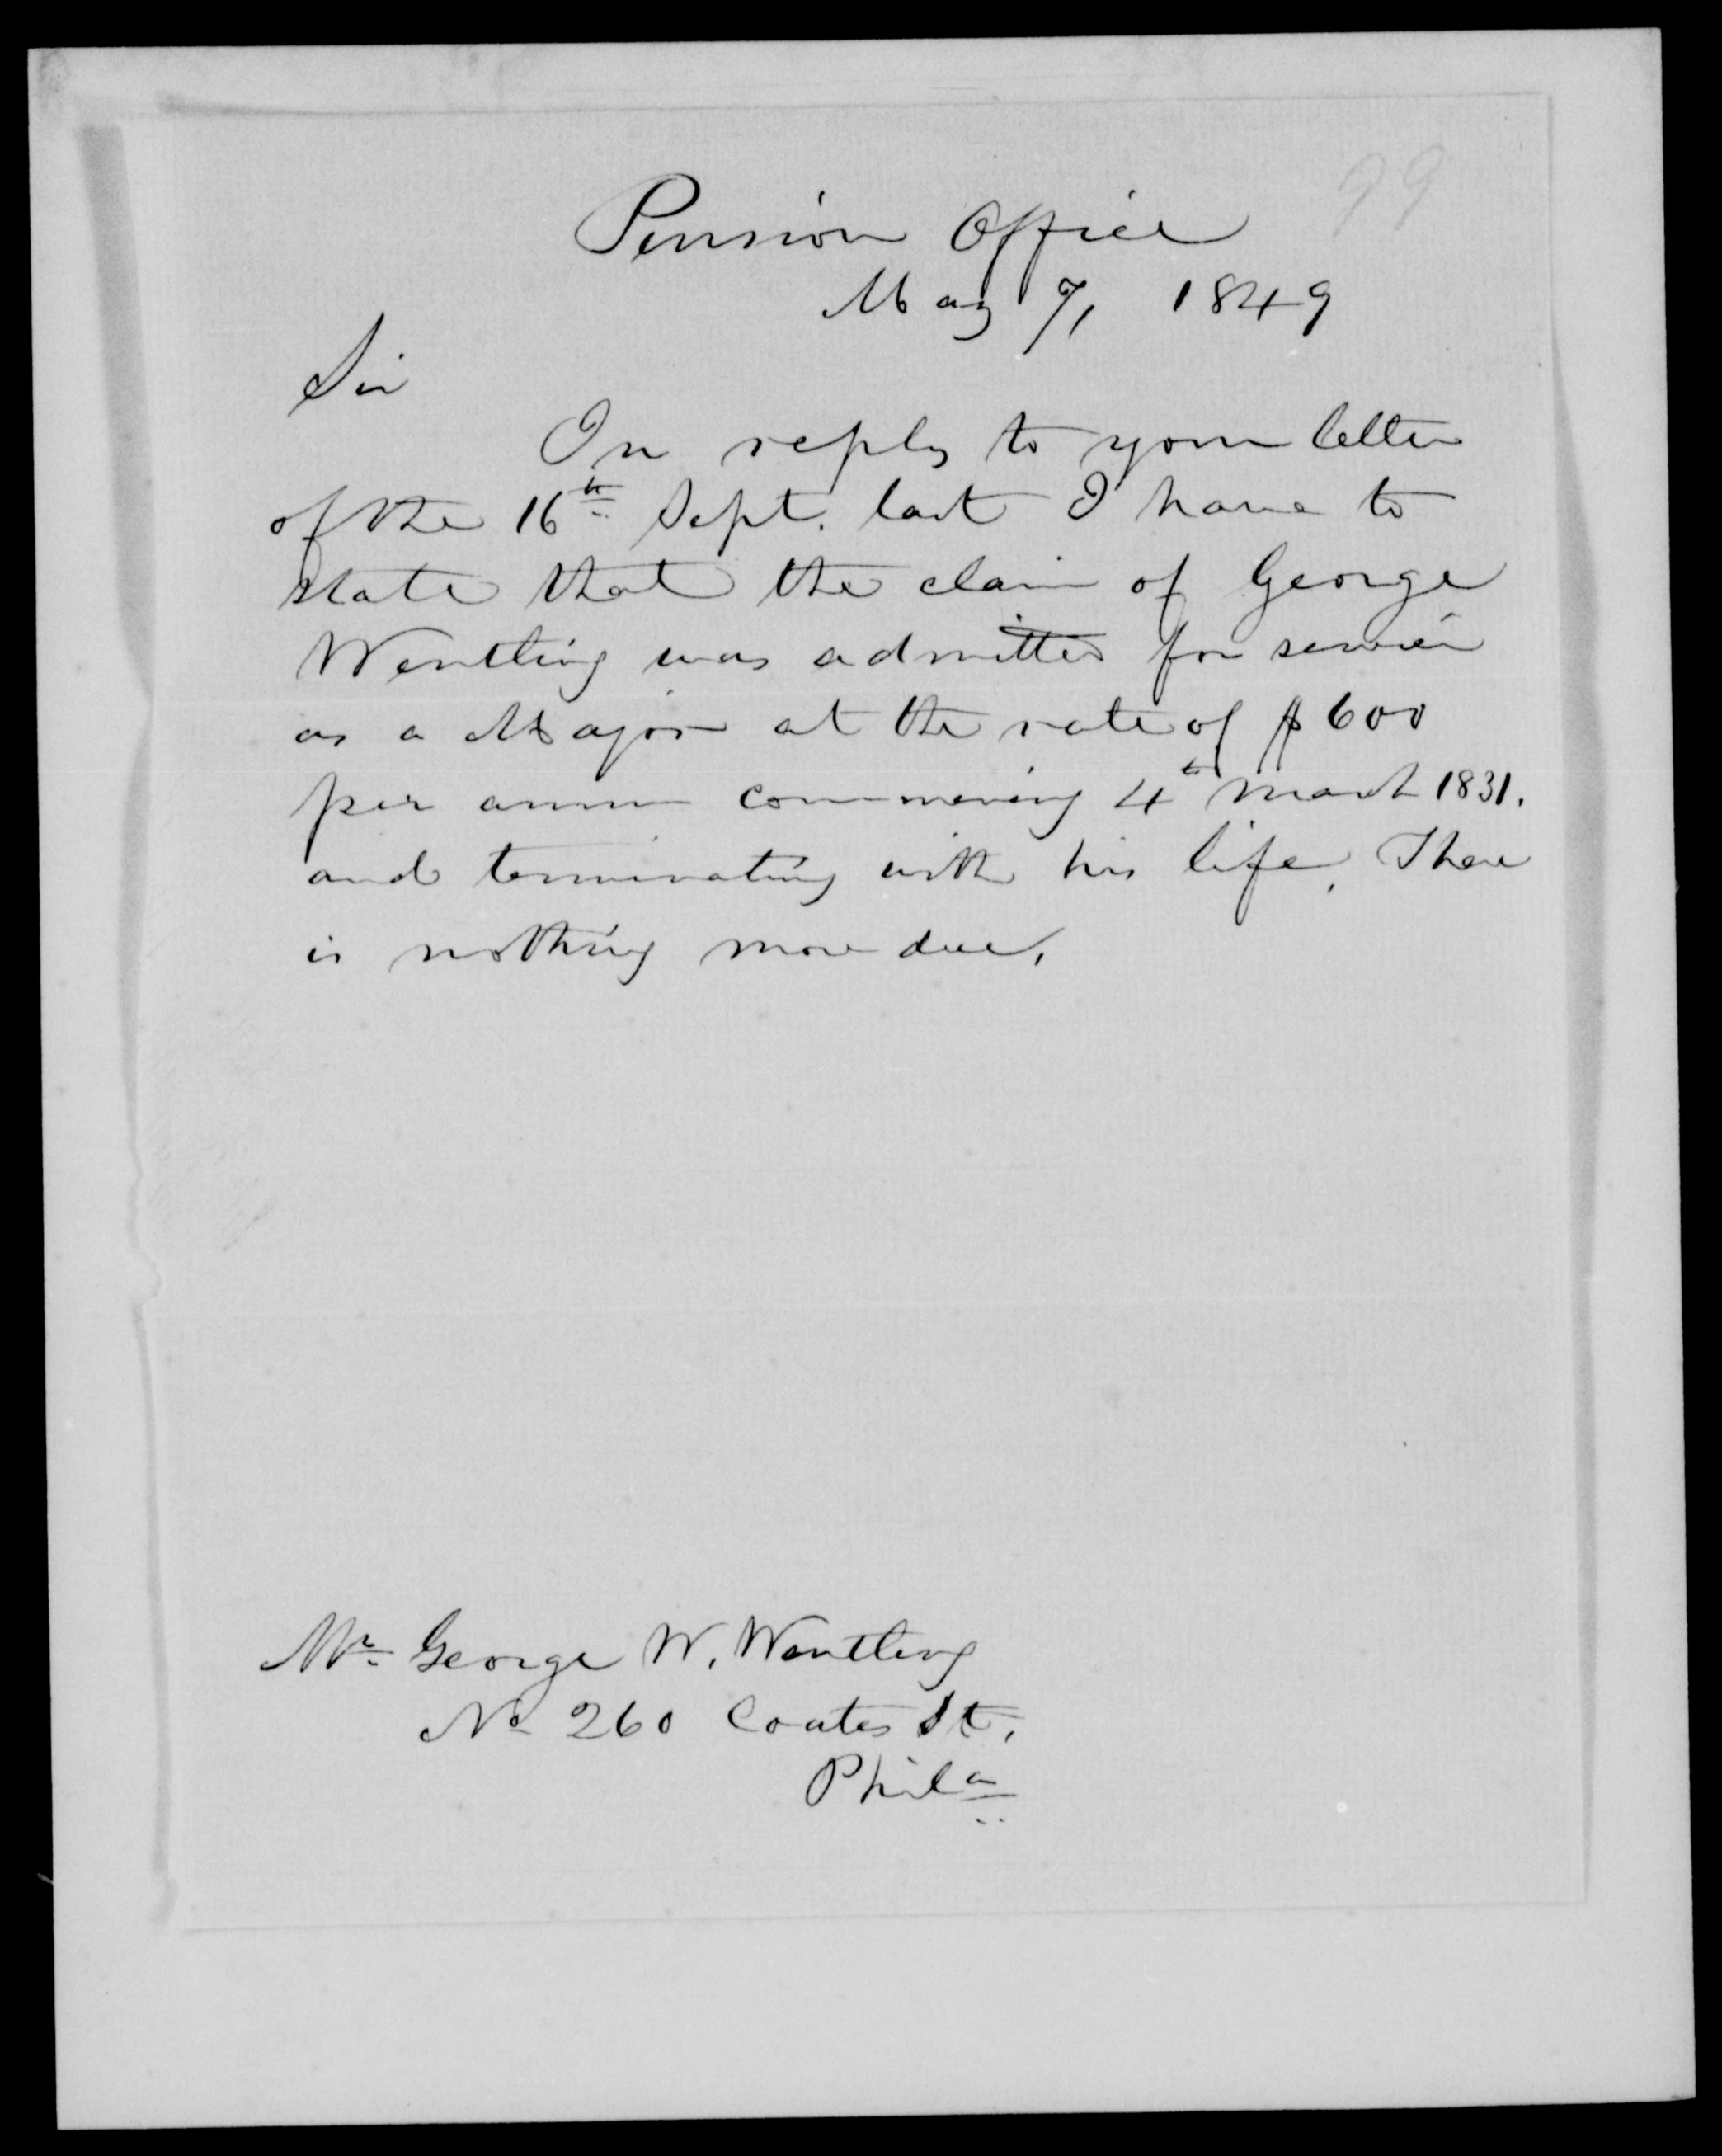Pension  Office 99
May 7, 1849

Sir

In reply to your letter of the 16th Sept. last I have to state that the claim of George Wentling was admitted for service as a Major at the rate of $600per annum commencing 4th March 1831. and terminating with his life there is nothing more due.


Mr. George Wentling
No 260 Coates St.
Phila.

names: George W Wentling, George Wentling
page: 14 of 68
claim: survivor's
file: S. 6,358, George Wentling, Penn.